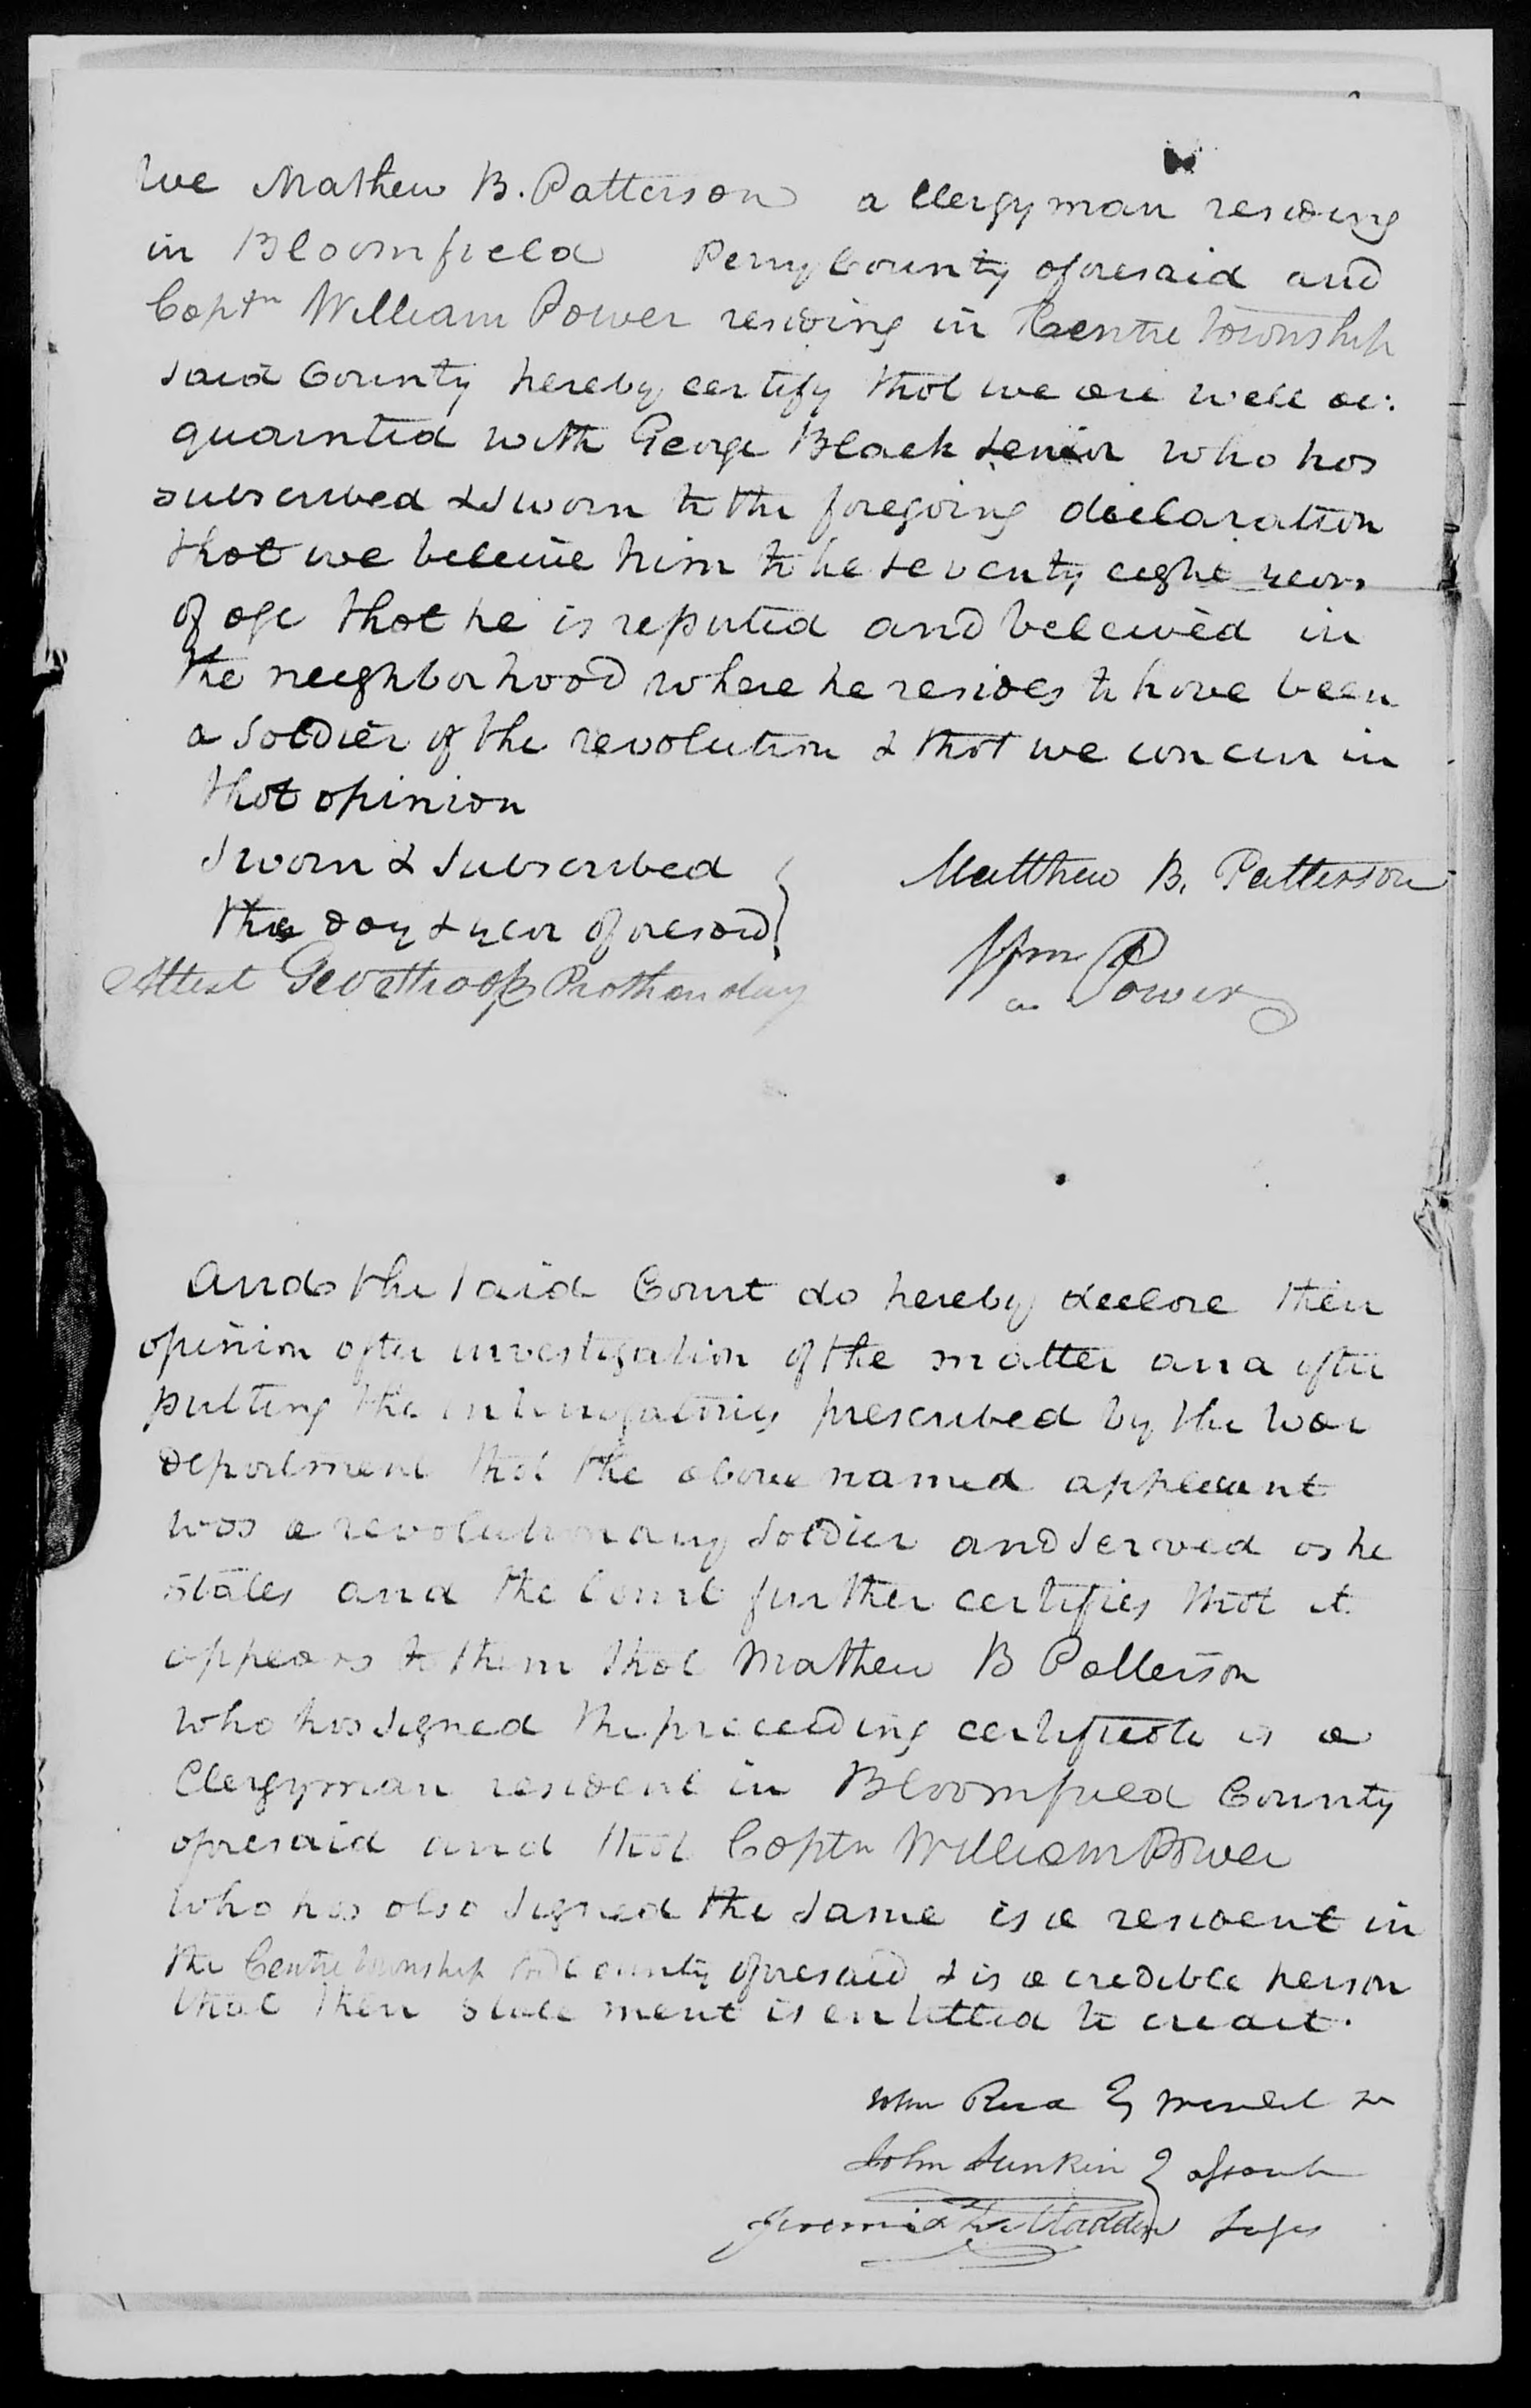We Mathew B. Patterson a clergyman residing in Bloomfield Perry County aforesaid and Capt William Power residing in Centre Township said county hereby certify that we are well and acquainted with George Black Senior who has subscribed and sworn to the foregoing declaration that we believe him to be seventy eight years of age that he is reputed and believed in the neighborhood where he resides to have been a soldier of the revolution and that we concur in that opinion
Sworn & Subscribed this day & year aforesaid
Attest Geo Stroop Prothonotary
Matthew B. Patterson Wm Power

And the said Court do hereby declare their opinion after investigation of the matter and after putting the interrogatorily prescribed by 
the war deployments that the above named applicant was a revolutionary soldier and served as he states and the court further certifies that it appears to them that Mathew B Patterson who has signed the preceding certificate is a clergyman resident in Bloomfield County aforesaid and that Captn William Power who has also signed the same is ana resident the Centre Township and County aforesaid and is a credible person that their statement is entitled to credit.

Wm [illegible] & [illegible]
John Lunkin & [illegible]
Jeremiah [illegible] Madden [illegible]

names: Mathew B Patterson, John Lunkin, Jeremiah Madden, George Black, John Reed, Geo Stroop, William Power, William Power, Matthew B Patterson, Mathew B Patterson, Wm Power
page: 11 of 30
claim: widow's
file: W. 3211, George Black, Penn.